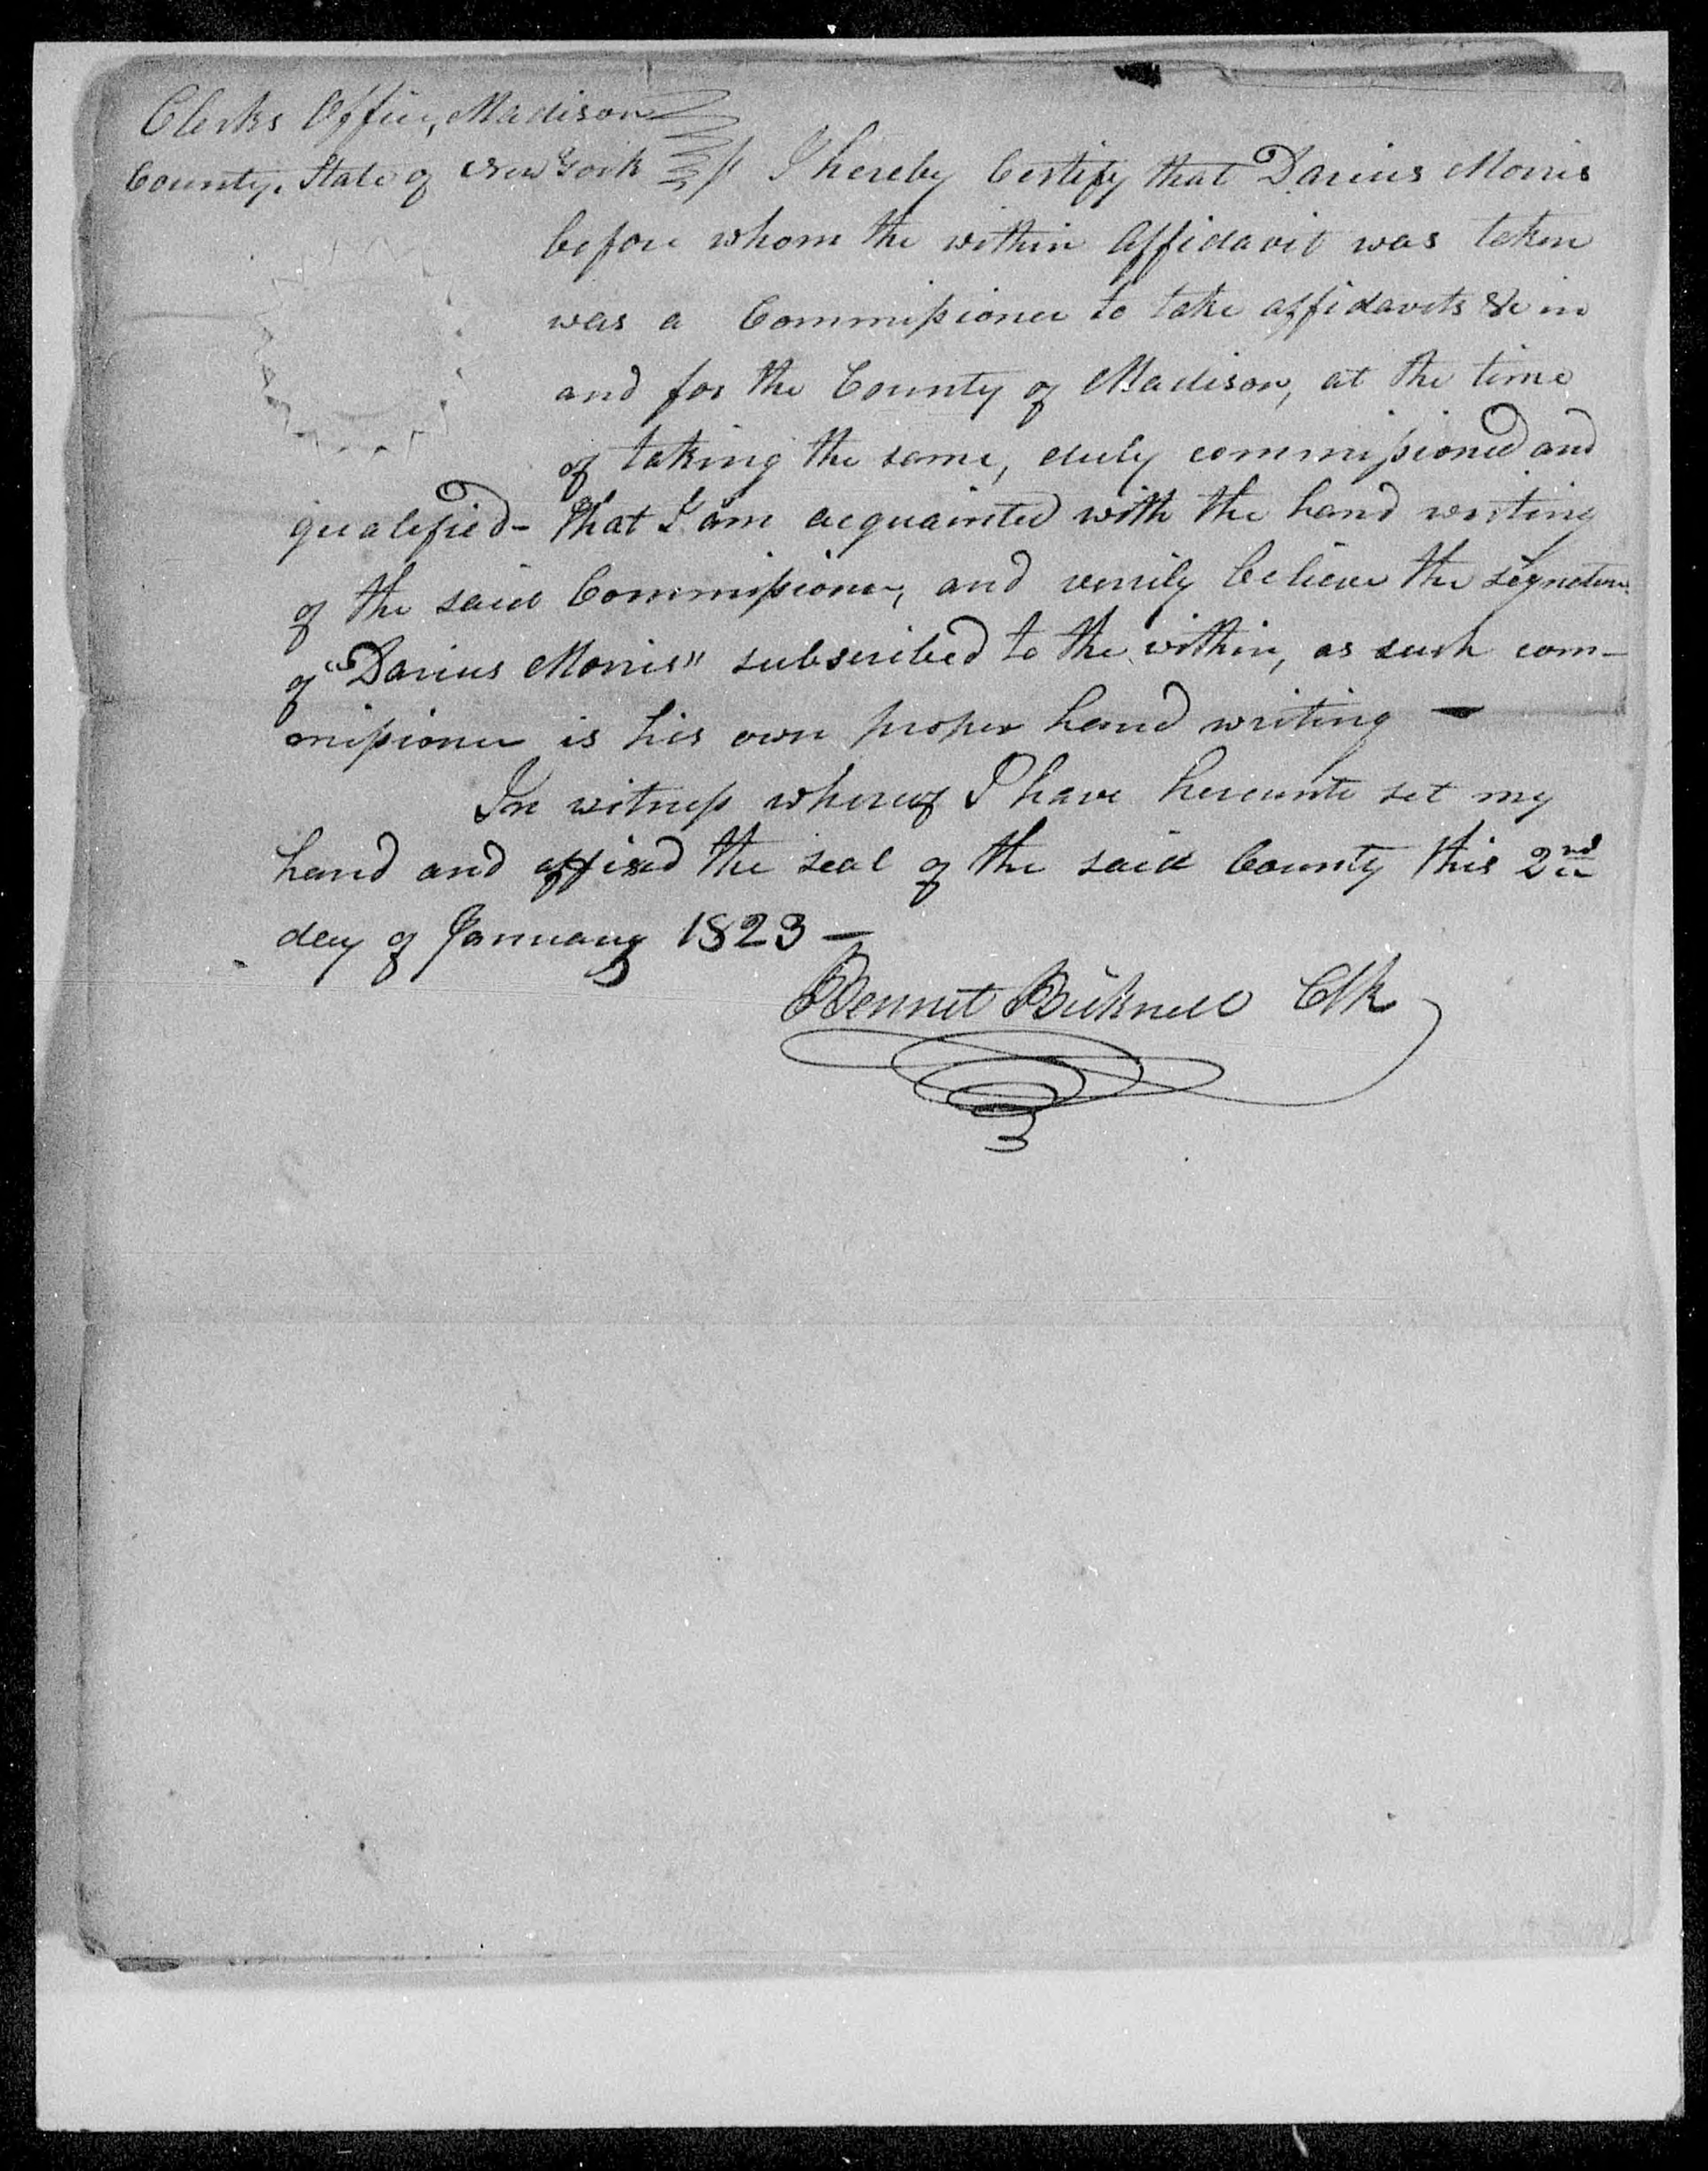Clerk's Office, Madison County, State of New York, ss.

I hereby certify that Darius Morris before whom the within affidavit was taken, was a Commissioner to take affidavits in and for the County of Madison, at the time of taking the same, duly commissioned and qualified - that I am acquainted with the hand writing of the said Commissioner, and verily believe the signature of "Darius Morris" subscribed to the within, as such commissioner is his own proper hand writing.

In witness whereof I have hereunto set my hand and affixed the seal of the said Court this 2nd day of January, 1823 -

Bennet Bicknell, Clk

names: Darius Morris, Bennet Bicknell, Darius Morris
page: 14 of 61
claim: survivor's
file: S. 22798, Paul Griffiths, R.I.